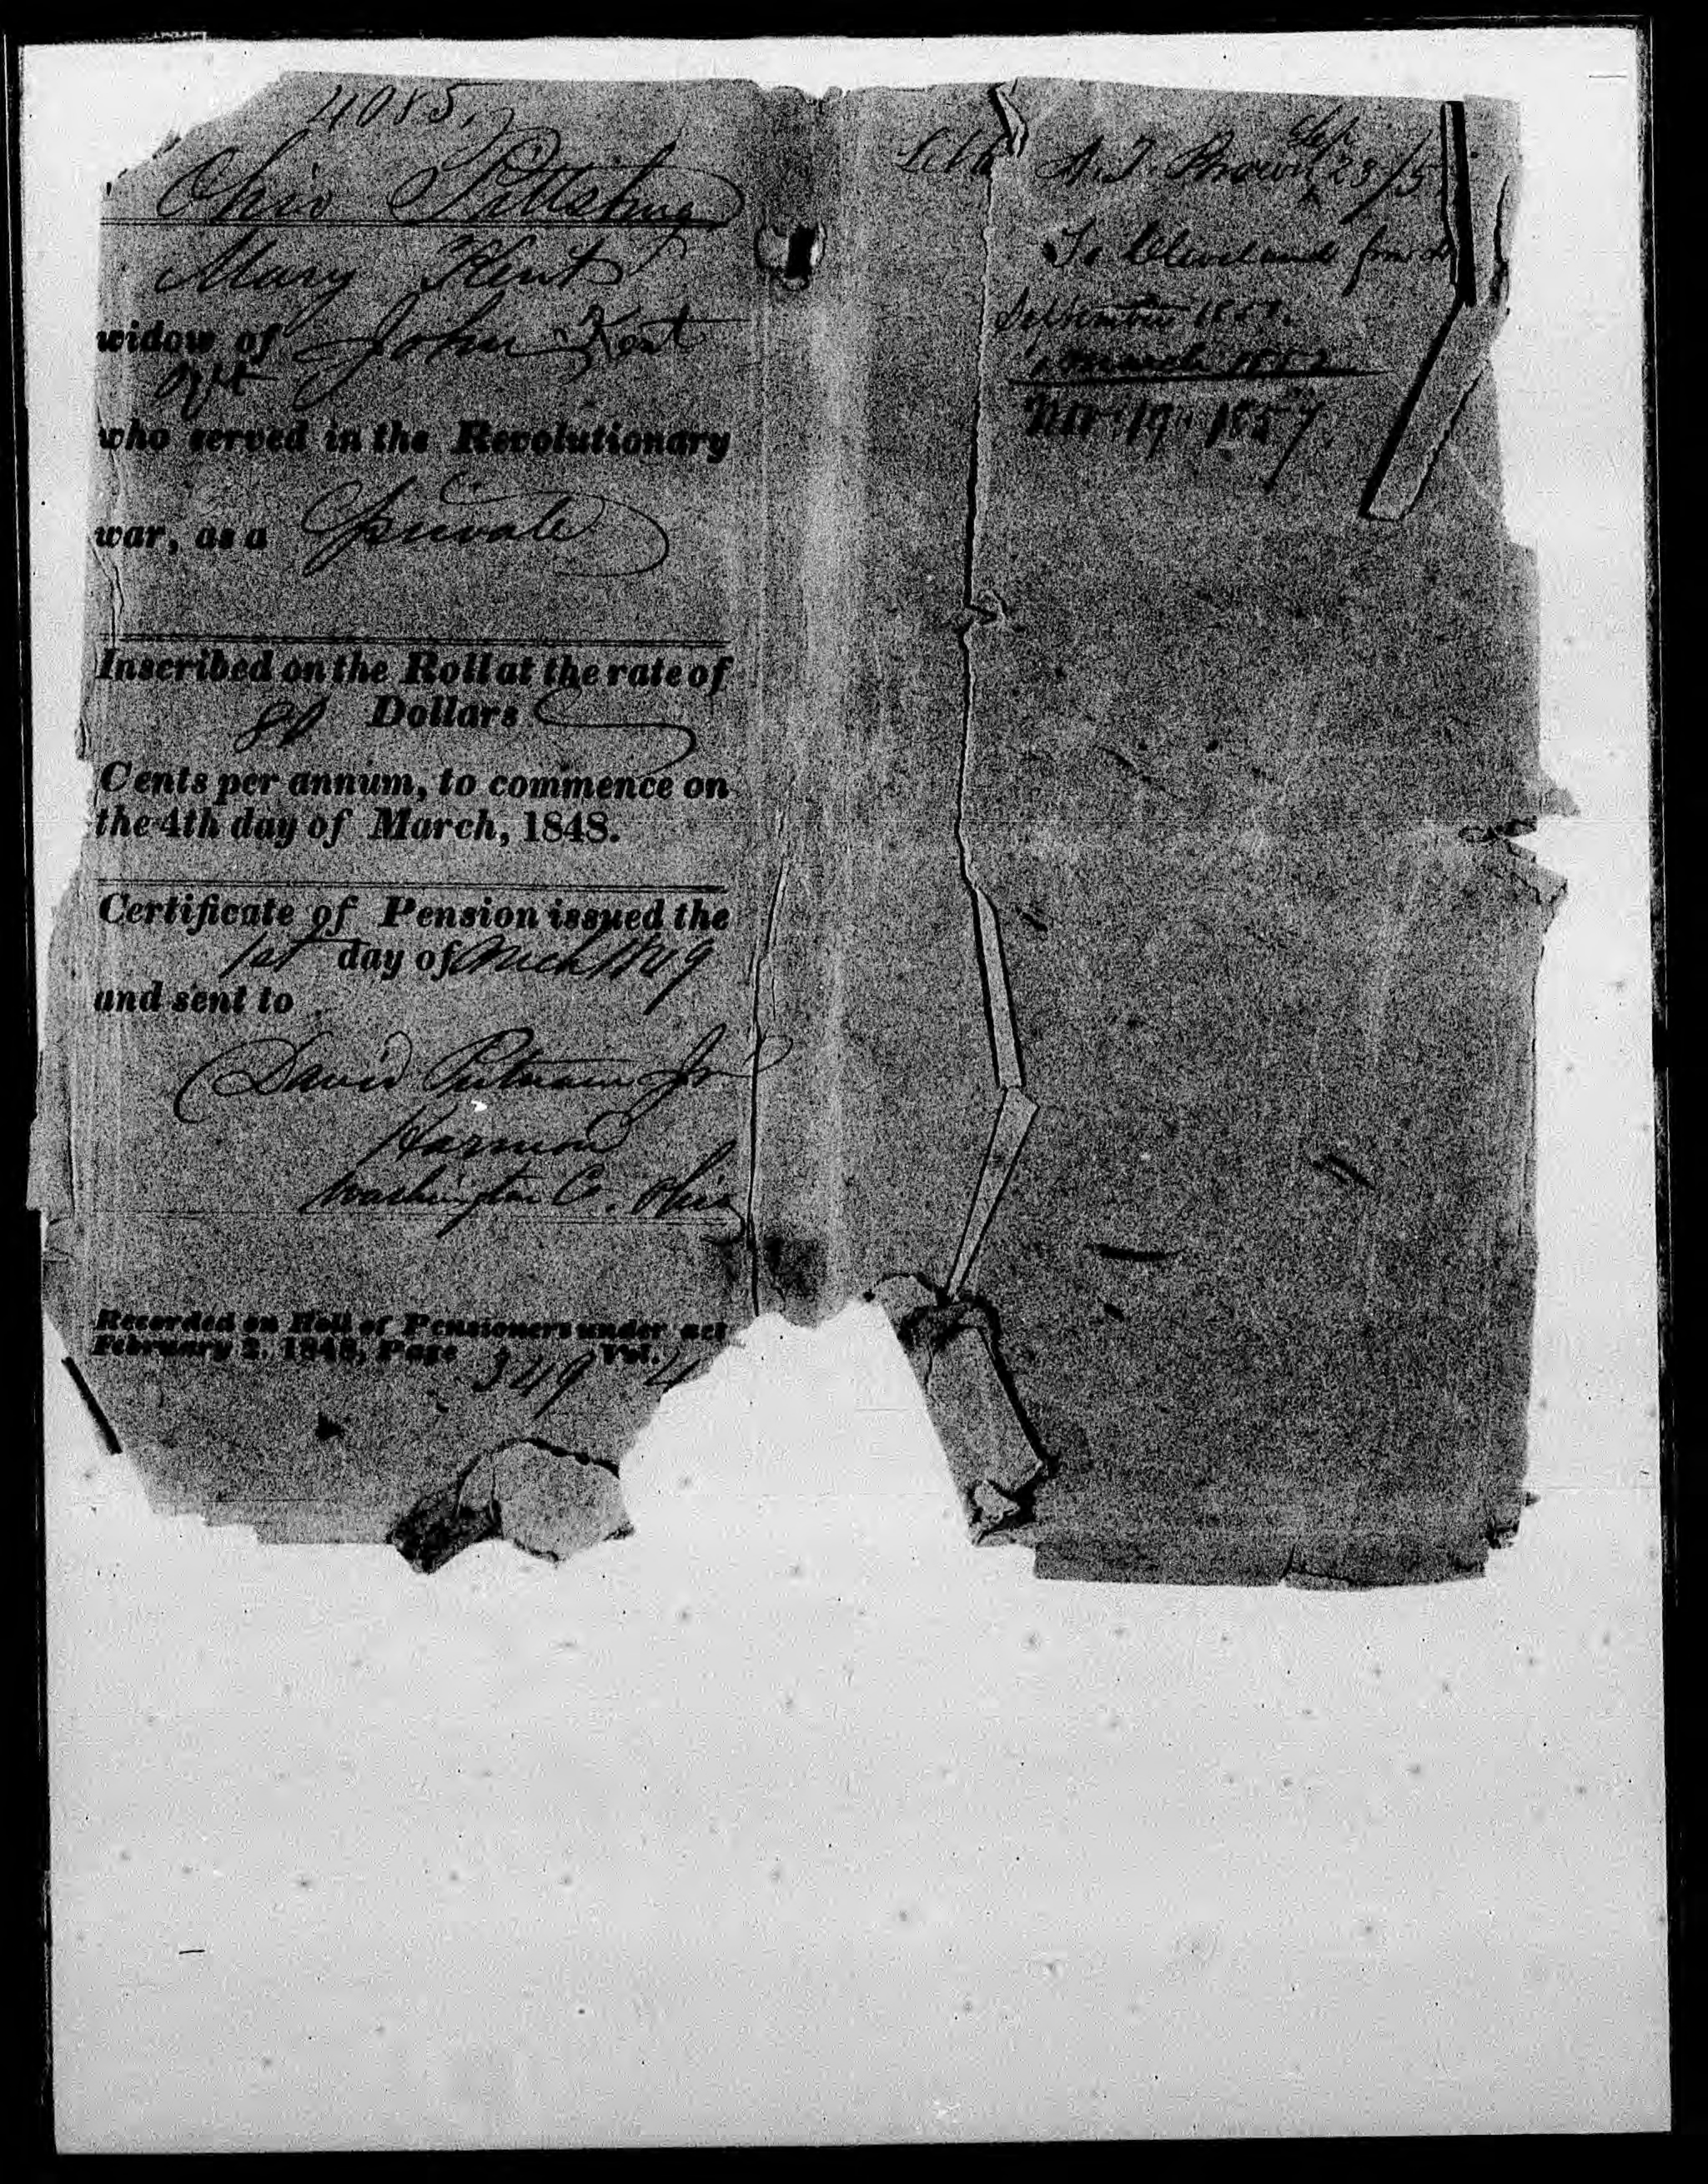[left side of page]
4085
Ohio  Pittsburg
====
Mary Kent
widow of John Kent   Vt.
who served in the Revolutionary war, as a private
=====
Inscribed on the Roll at the rate of 80 Dollars
----Cents per annum, to commence on the 4th day of March, 1848.
=====
Certificate of Pension issued the 
1st day of [illegible]
and sent to
David Putnam Jr.
Harmony
Washington Co. Ohio
======
Recorded on Roll of Pensioners under [illegible]
February 2, 1848  Page 349 Vol. 4

[right side of page]
Let to   A. T. Brown  Sep 23/5
To Cleveland from [illegible]
March 1852
Nov 17, 1857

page: 2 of 50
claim: widow's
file: W. 4253, for John Kent, Vermont